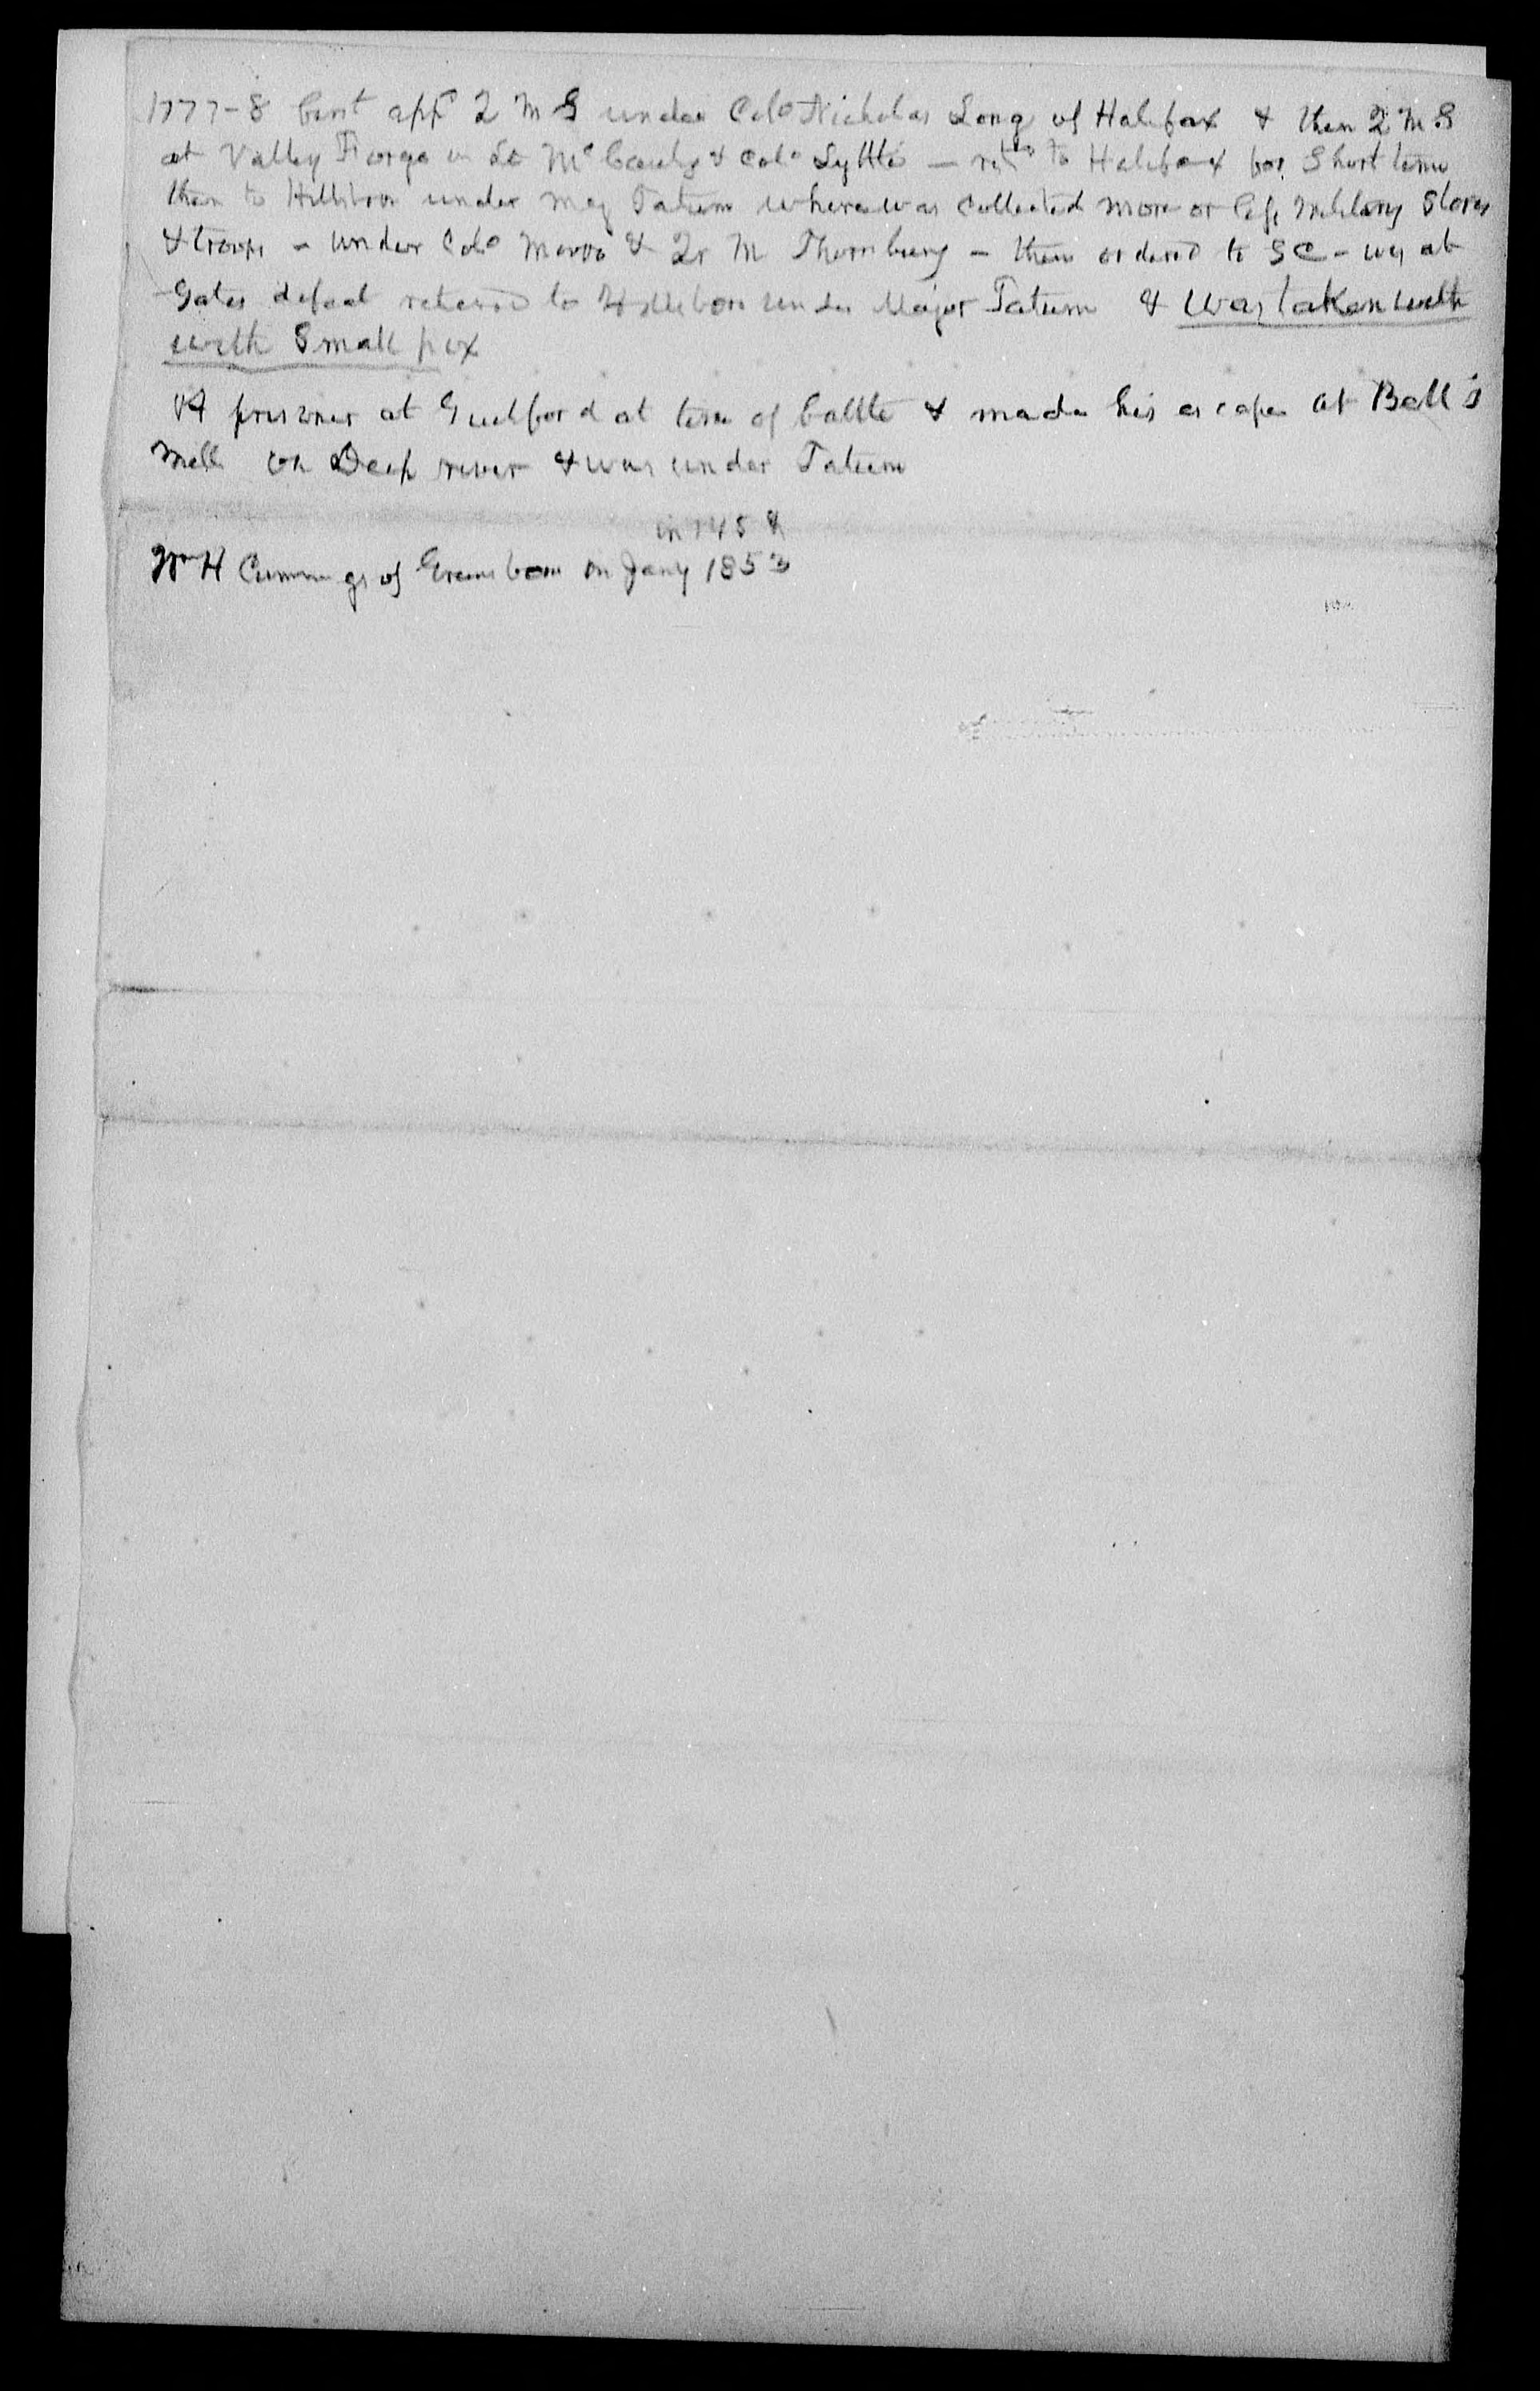[Second and final page of this detailed account re Wm Cummings' Revolutionary War Service.  Occasional spacing has been included to make the text block easier to read.]

1778-8 [1777-1778] [illegible] appd [appointed] Q M S [Quarter Master Sergeant] under Colo [Colonel] Nicholas Long of Halifax and then Q M S [Quarter Master Sergeant] at Valley Forge in Lt [Lieutenant] McCauly [or McCauley] and Colo [Colonel] Lyttle - retd [returned] to Halifax for Short time then to Hillsboro under Maj [Major] Tatum where was  Collected More or less Military Stores and troops - under Colo [Colonel, with a hard-to-read surname, possibly:] Moore and Q M [Quarter Master] Thornbury - 

then ordered to SC [probably meaning South Carolina] - was at Gates defeat
returned to Hillsboro under Major Tatum and [here the rest of this sentence is underlined:]  Was taken with with Small pox

A prisoner at Guilford at [?] time of battle and made his escape at Bell's Mill  on Deep river and was under Tatum 

Wm H Cummings of Greensboro ^ in '45 [1845] and on [or in] Jany [January] 1853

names: Lyttle, Moore, Nicholas Long, Wm H Cummings, Mc Cauley, Tatum, Tatum, Tatum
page: 140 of 145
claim: survivor's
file: S. 8265, William Cumming, N.C.